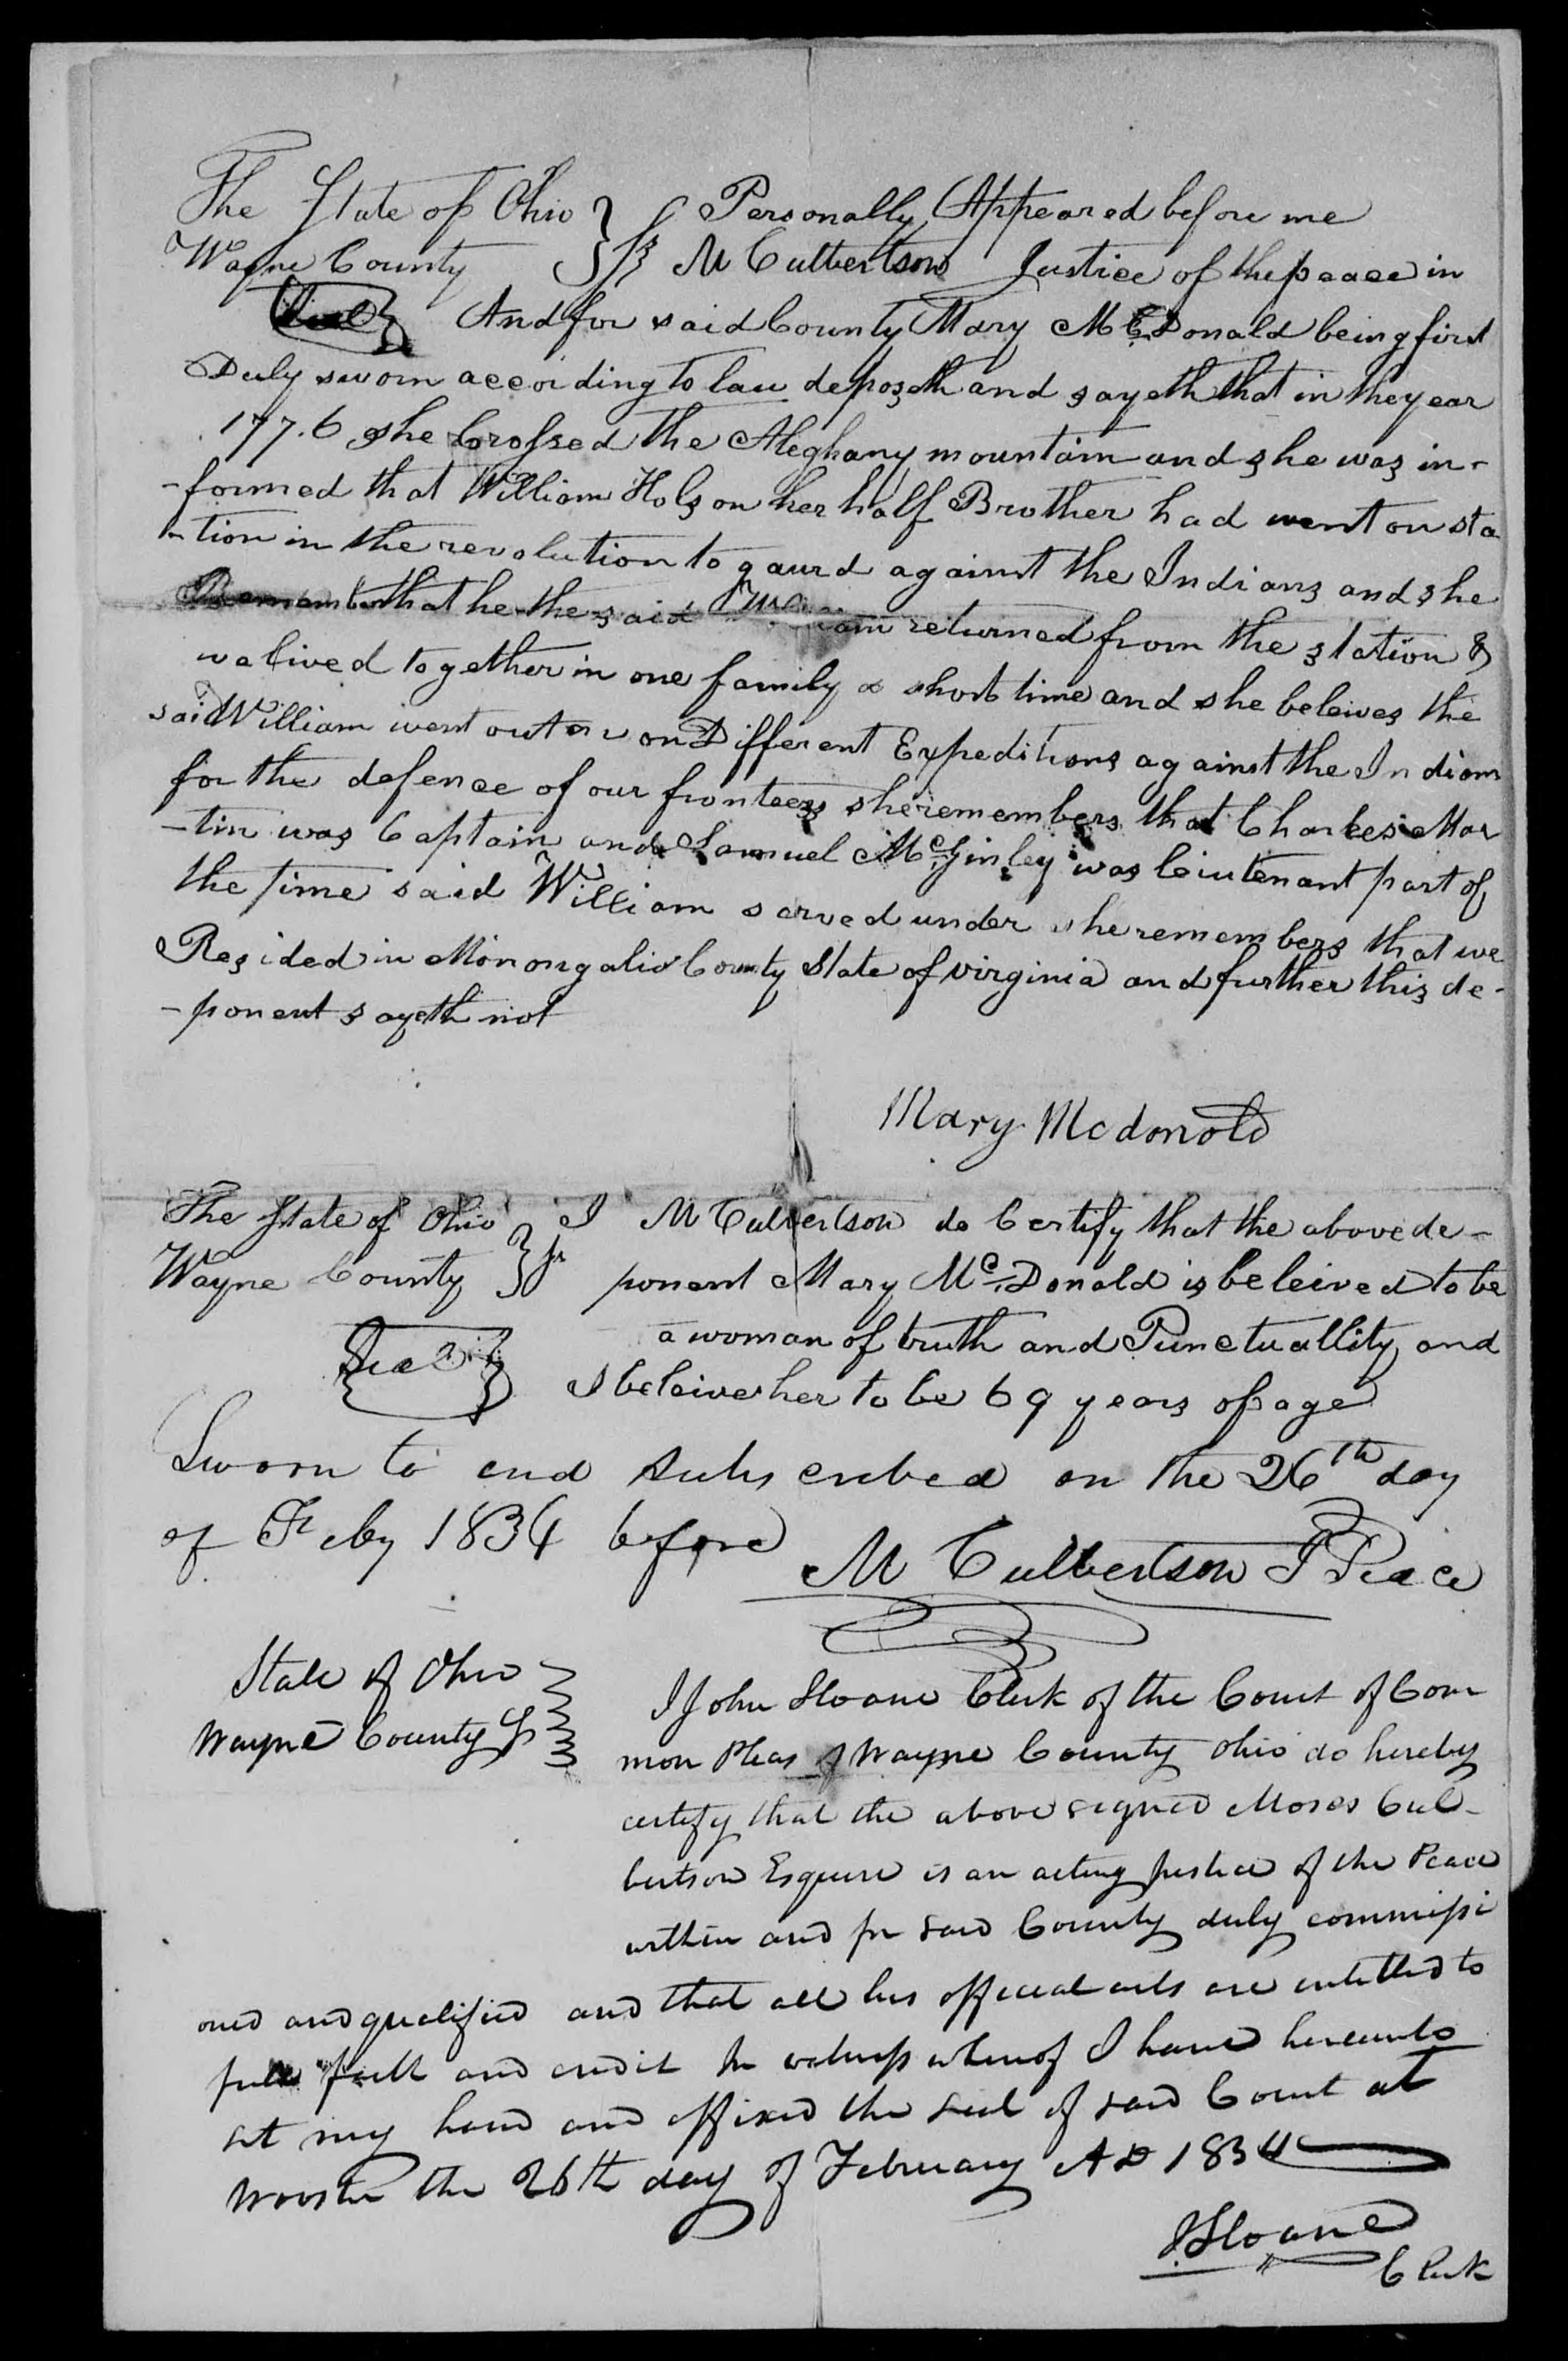The State of Ohio Personally appeared before me
Wayne County SS M Culbertson Justice of the Peace in Seal and for said County Mary McDonald being first Duly sworn according to law deposeth and sayeth that in the year 1776 she Crossed the Aleghany mountain and she was informed that William Holson her half Brother had went on station in the revolution to guard against the Indians and she remembers that he the said William returned from the station & we lived together in one family a short time and she believes the said William went out on different Expeditions against the Indians for the defence of our fronteers she remembers that Charles Martin was Captain and Samuel McGinley was Lieutenant part of the time said William served under the remembers that we Resided in Monongalia County State of Virginia and further this deponent sayeth not
Mary Mcdonald

The State of Ohio I M Culbertson do Certify that
Wayne County SS the above deponent Mary McDonald is believed to be a woman of truth and Punctuality and I believe her to be 69 years of age
Sworn to and Subscribed on the 26th day of Feby 1834 before M Culbertson J Peace

State of Ohio I John Sloane Clerk of the Court
Wayne County SS of Common Pleas of Wayne County Ohio do hereby certify that the above signed Moses Culbertson Esquire is an acting Justice of the Peace within and for said County duly commissioned and qualified and that all his official acts are entitled to full faith and credit In witness whereof I have hereunto set my hand and affixed the seal of said Court at [illegible] the 26th day of February AD 1834
J. Sloane
Clerk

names: Mary Mc Donald, M Culbertson, Mary Mc Donald, William, Samuel Mc Ginley, Charles Martin, M Culbertson, J Sloane, Mary Mc Donold, M Culbertson, John Sloane, William Holson, Moses Culbertson, William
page: 28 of 33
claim: survivor's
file: S. 9587, William Holson, Va.